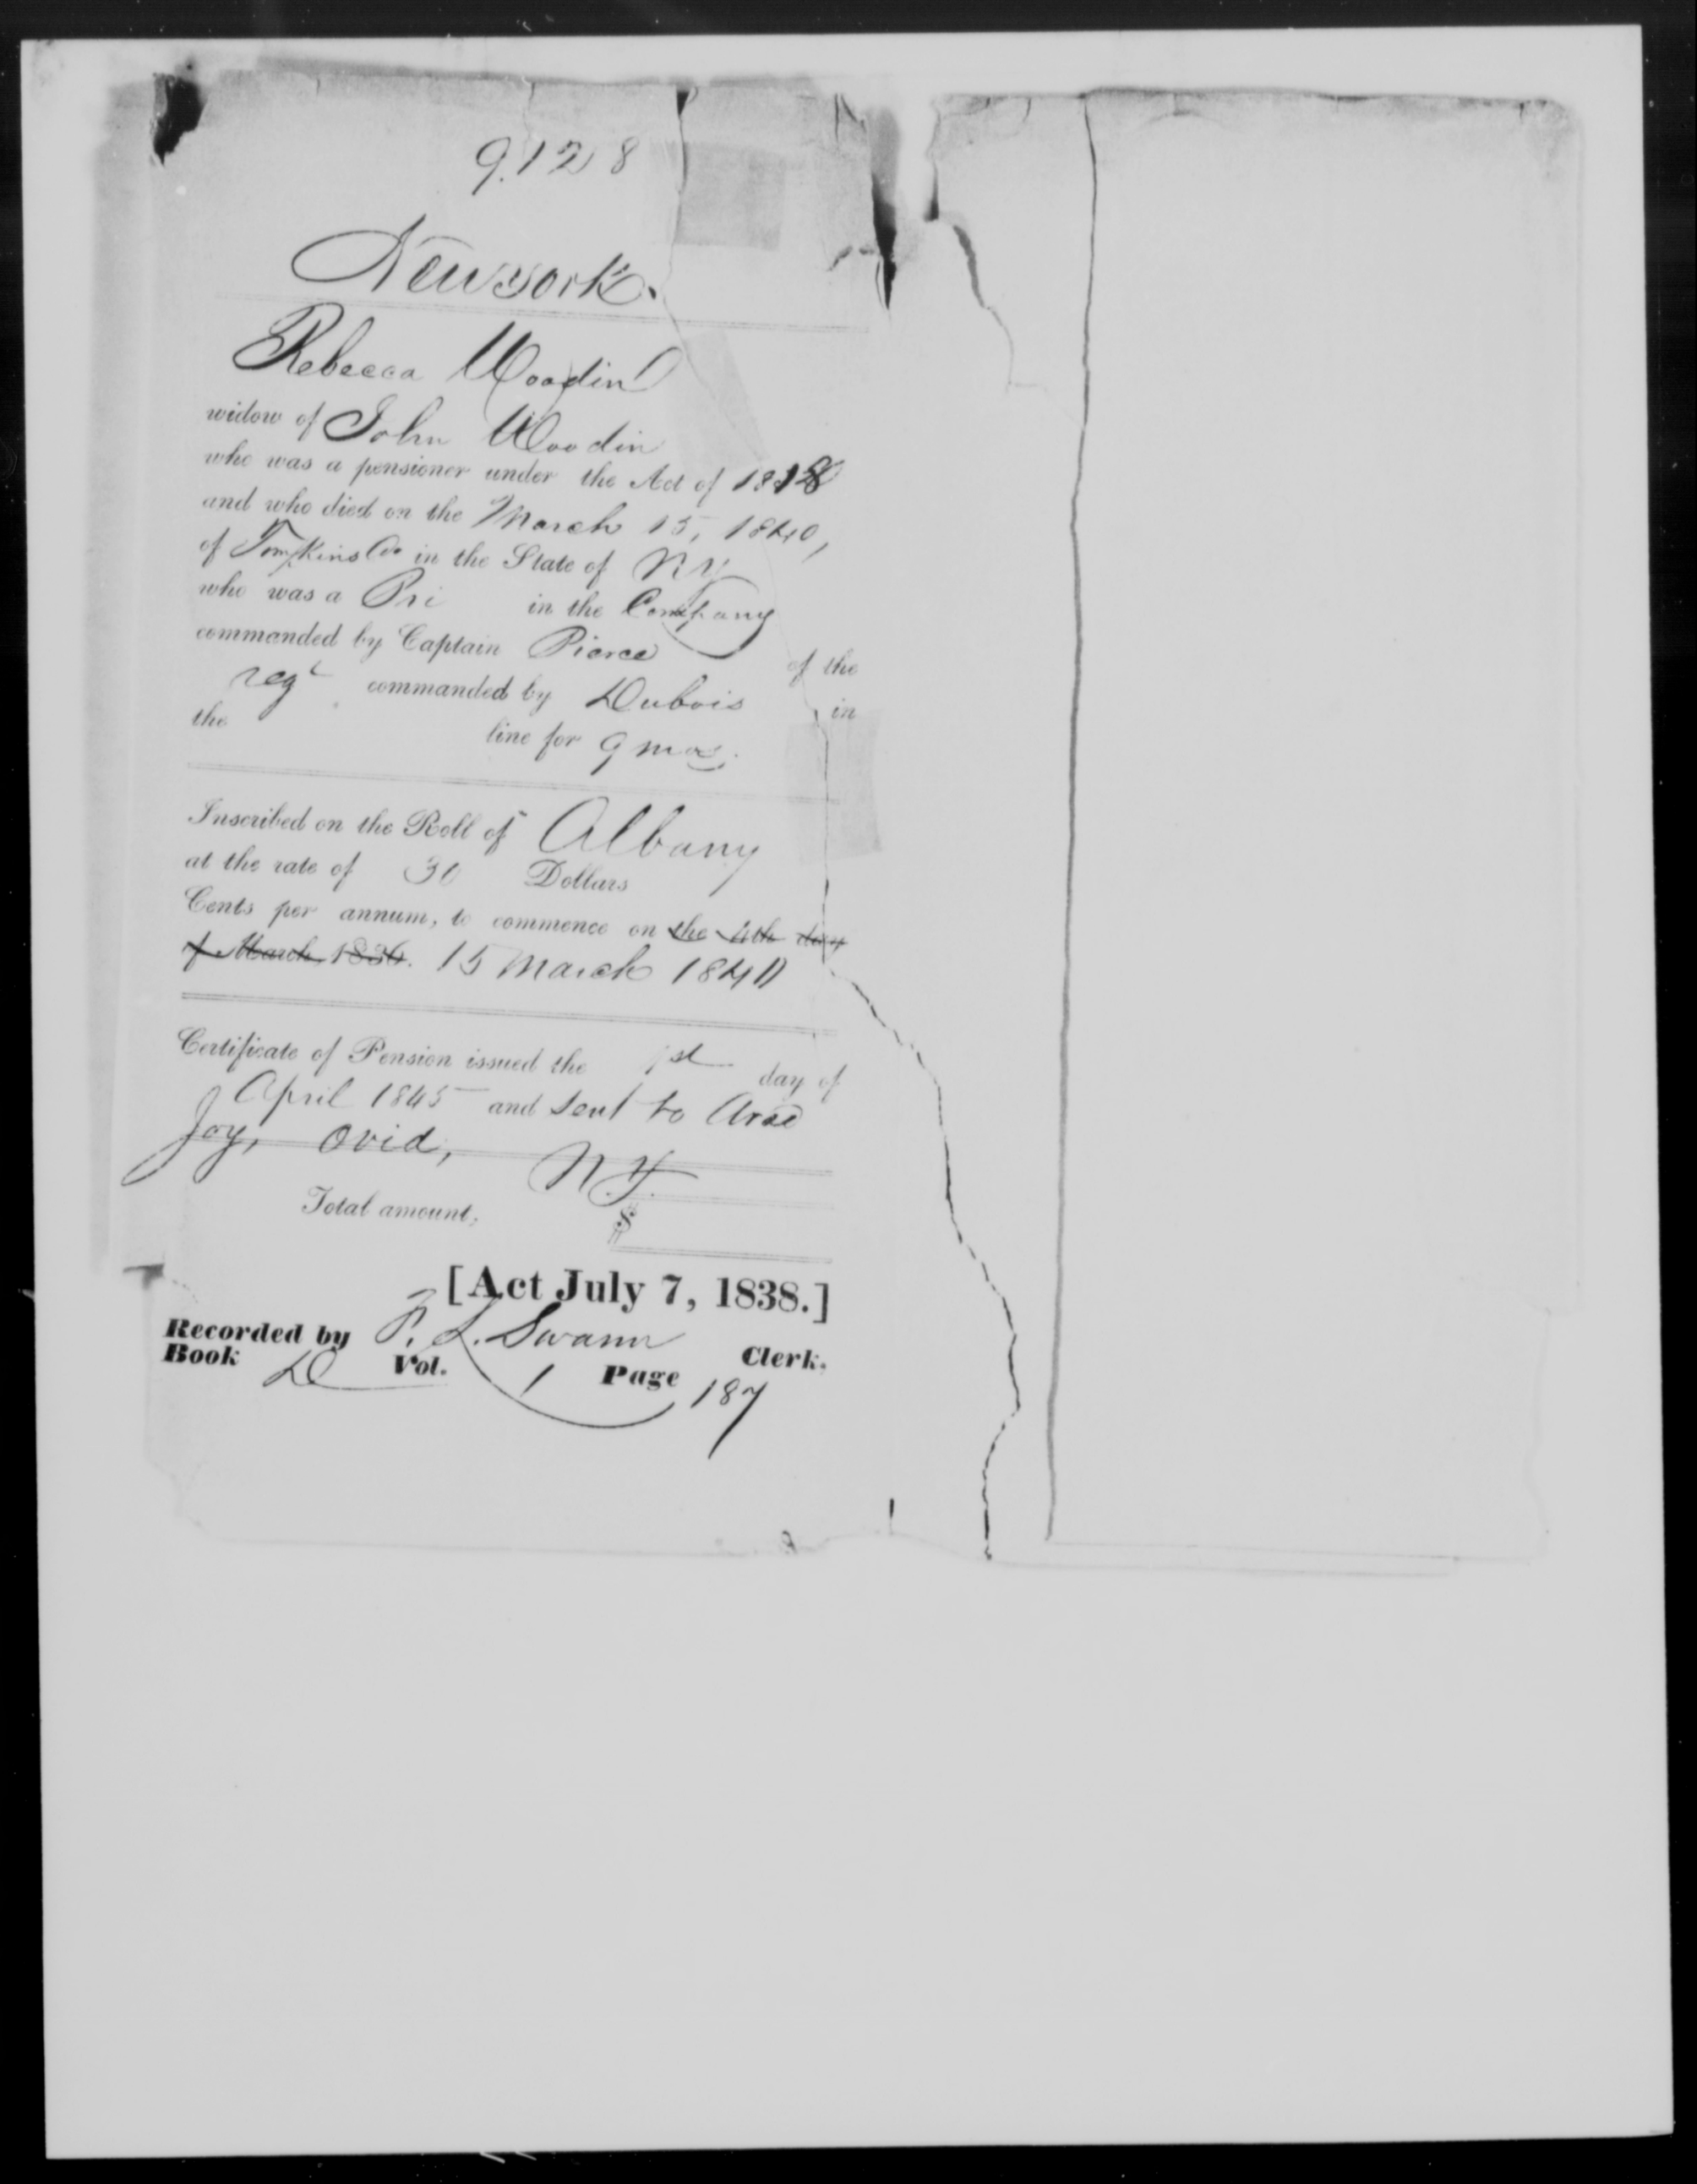9.128 
New York 
Rebecca Woodin 
widow of John Woodin who was a pensioner under the Act of 1818 and who died on the March 15, 1840, of Tompkins Co in the State of NY who was a Pri in the Company commanded by Captain Pierce of the regt commanded by Dubois of the the [blank] line for 9 mos 
Inscribed on the Roll of Albany at the rate of 30 Dollars   Cents per annum, to commence on [the 4th day of March 1836, crossed out] 15 March 1840
Certificate of Pension issued the 1st day of April 1845 and sent to Arad Joy, Ovid, N.Y.
Total amount, $ 
(Act July 7, 1838.) 
Recorded by F.L. Swann Clerk.
Book D  Vol. 1 Page 187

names: Rebecca Woodin, F L Swann, Arad Joy, Dubois, Pierce, John Woodin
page: 45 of 77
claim: widow's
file: W. 19658, John Woodin, New York